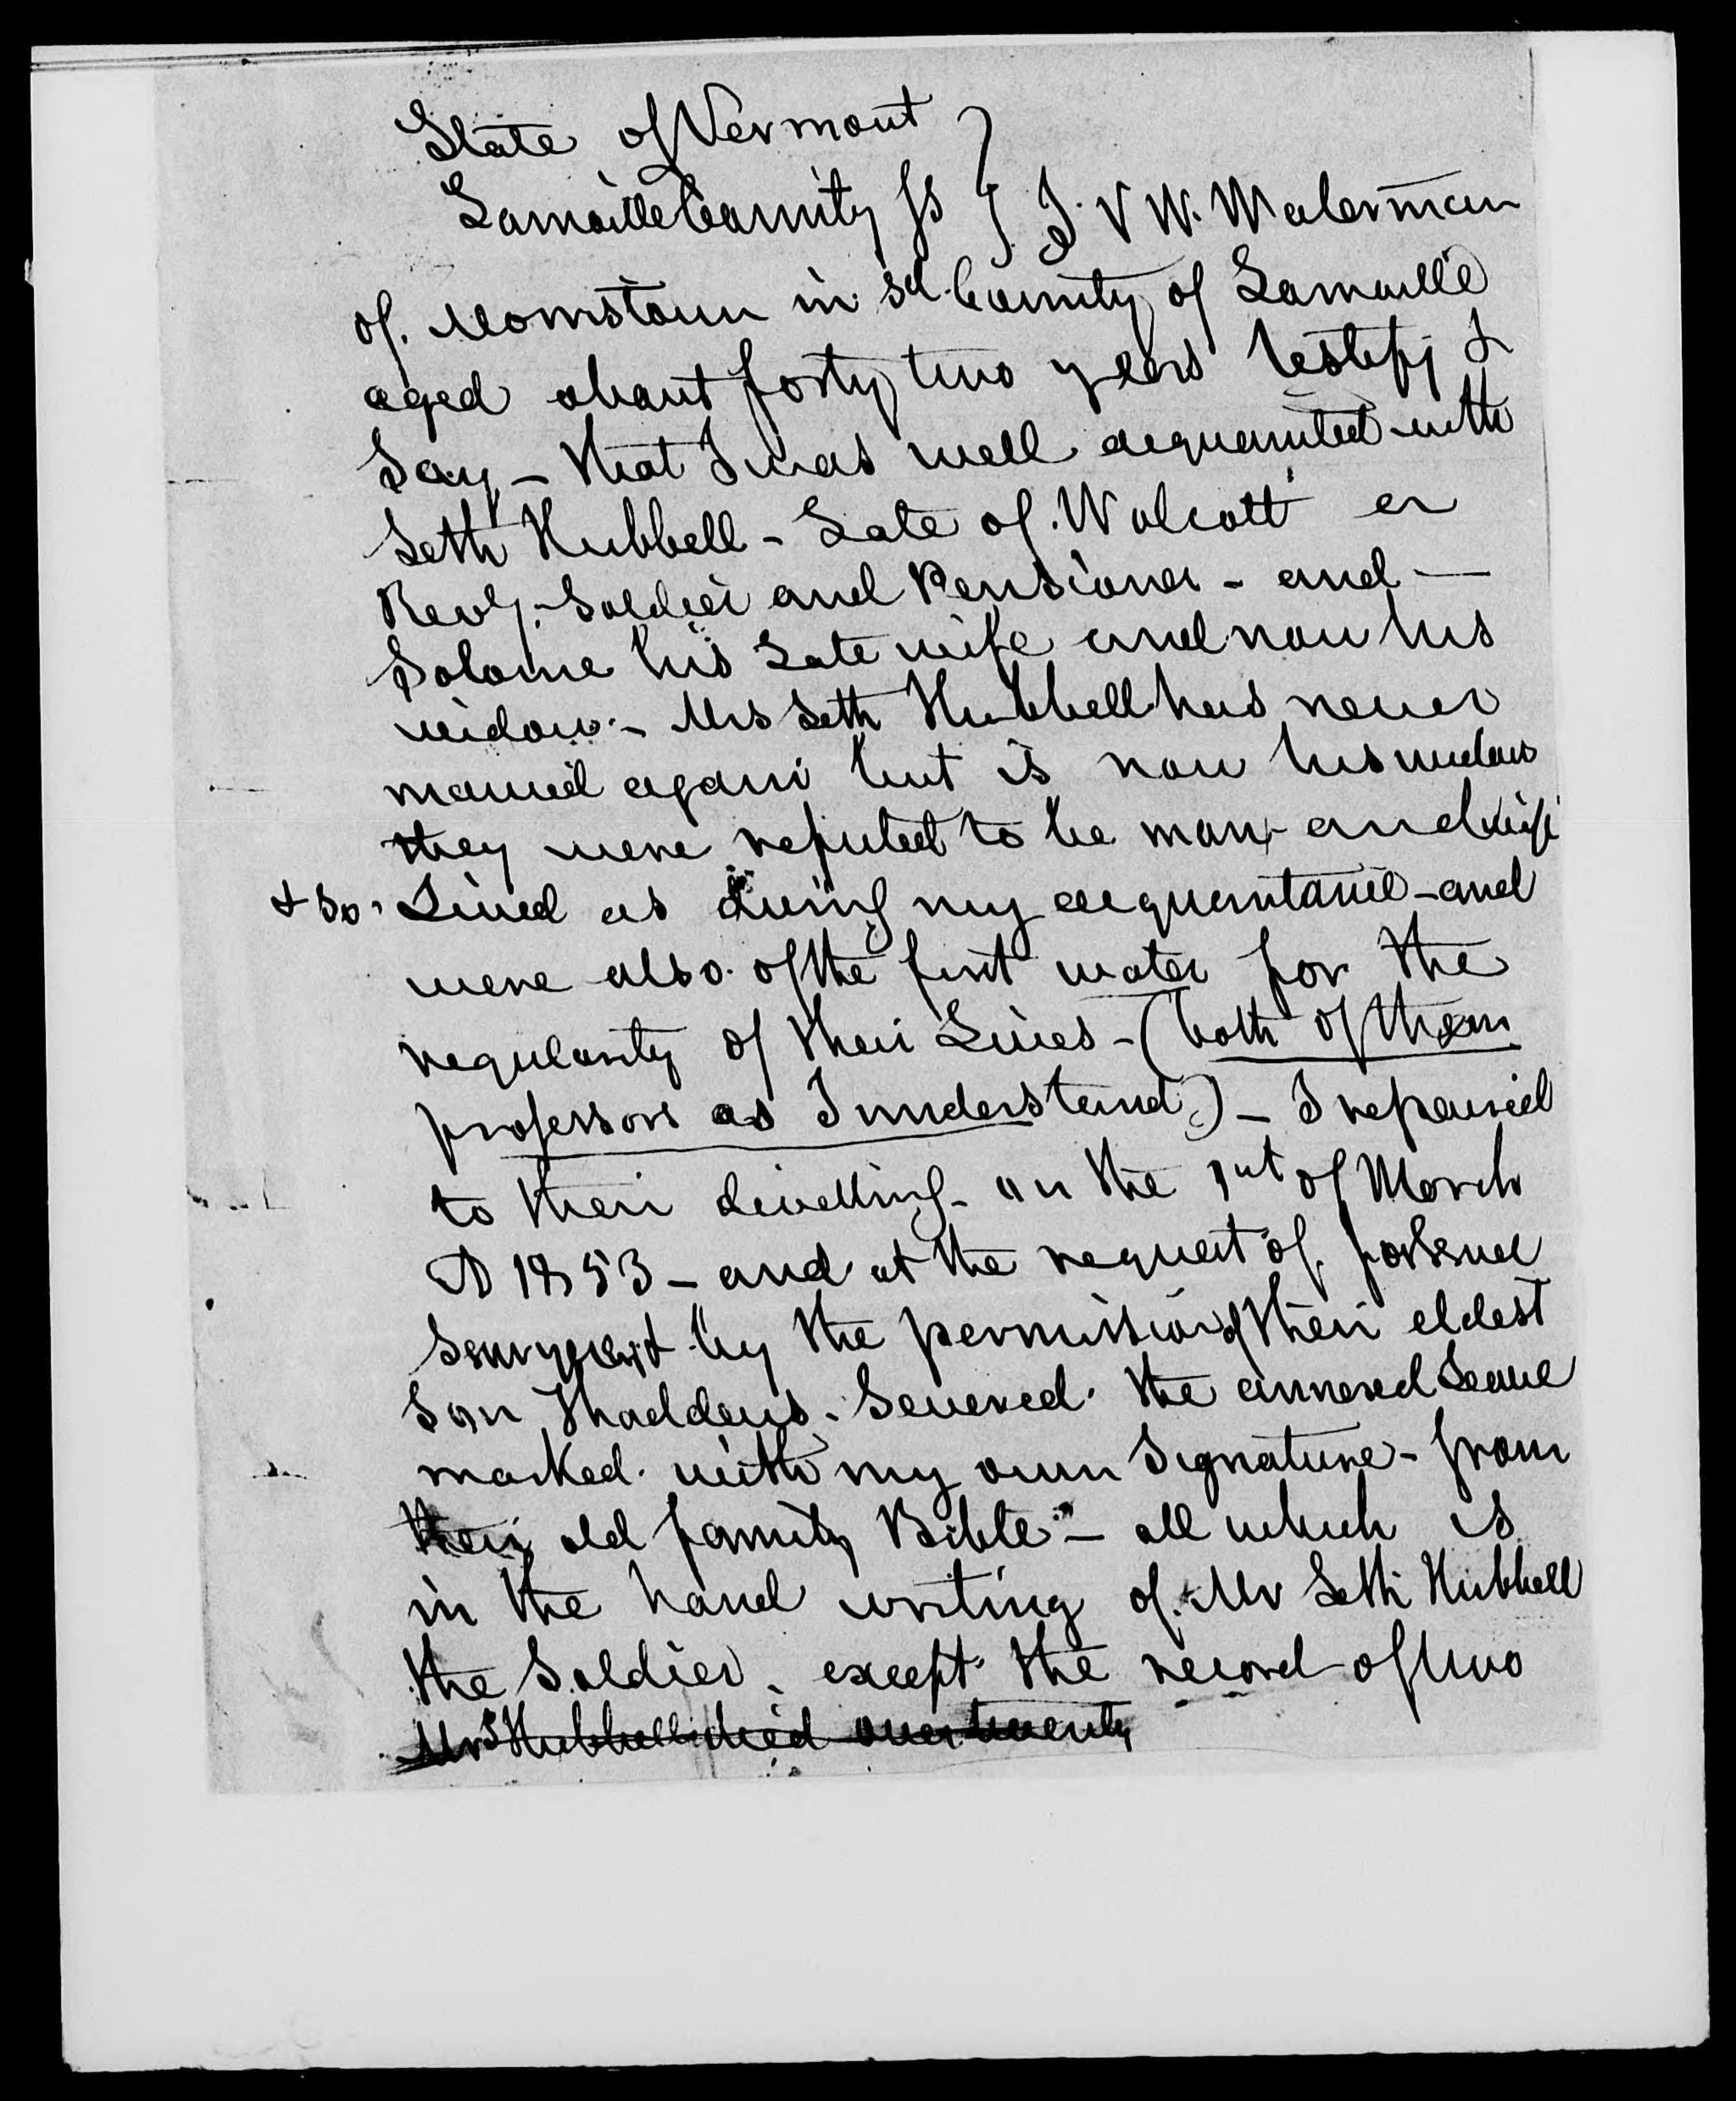State of Vermont
Lamoille County ss } I V W. Waterman of Morristown in sd. County of Lamoille aged about fort two years testify & say that I was well acquainted with Seth Hubbell - late of Walcott a Revy. Soldier and Pensioner - and - Salome his late wife and now his widow. Mrs. Seth Hubbell has never married again but is now his widow they were reputed to be man and wife & so lived as during my acquaintance - and were also of the first water[underlined] for the regularity of their lives - (both of them professors as I understand) [parenthetical underlined] _ I repaired to their dwelling on the 1st of March of  of 1853 - and at the request of [illegible] [illegible] by the permission of their eldest son Thaddeus. Severed the annexed Leave marked with my own Signature - from their old family Bible - all which is in the hand writing of Mr Seth Hubbell the Soldier except the record of two 
Mr S Hubbell died over twenty [this line crossed out]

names: Seth Hubbell, V W Waterman, Salome, Thaddeus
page: 20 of 114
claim: widow's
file: W. 2115, Seth Hubbell, Conn.